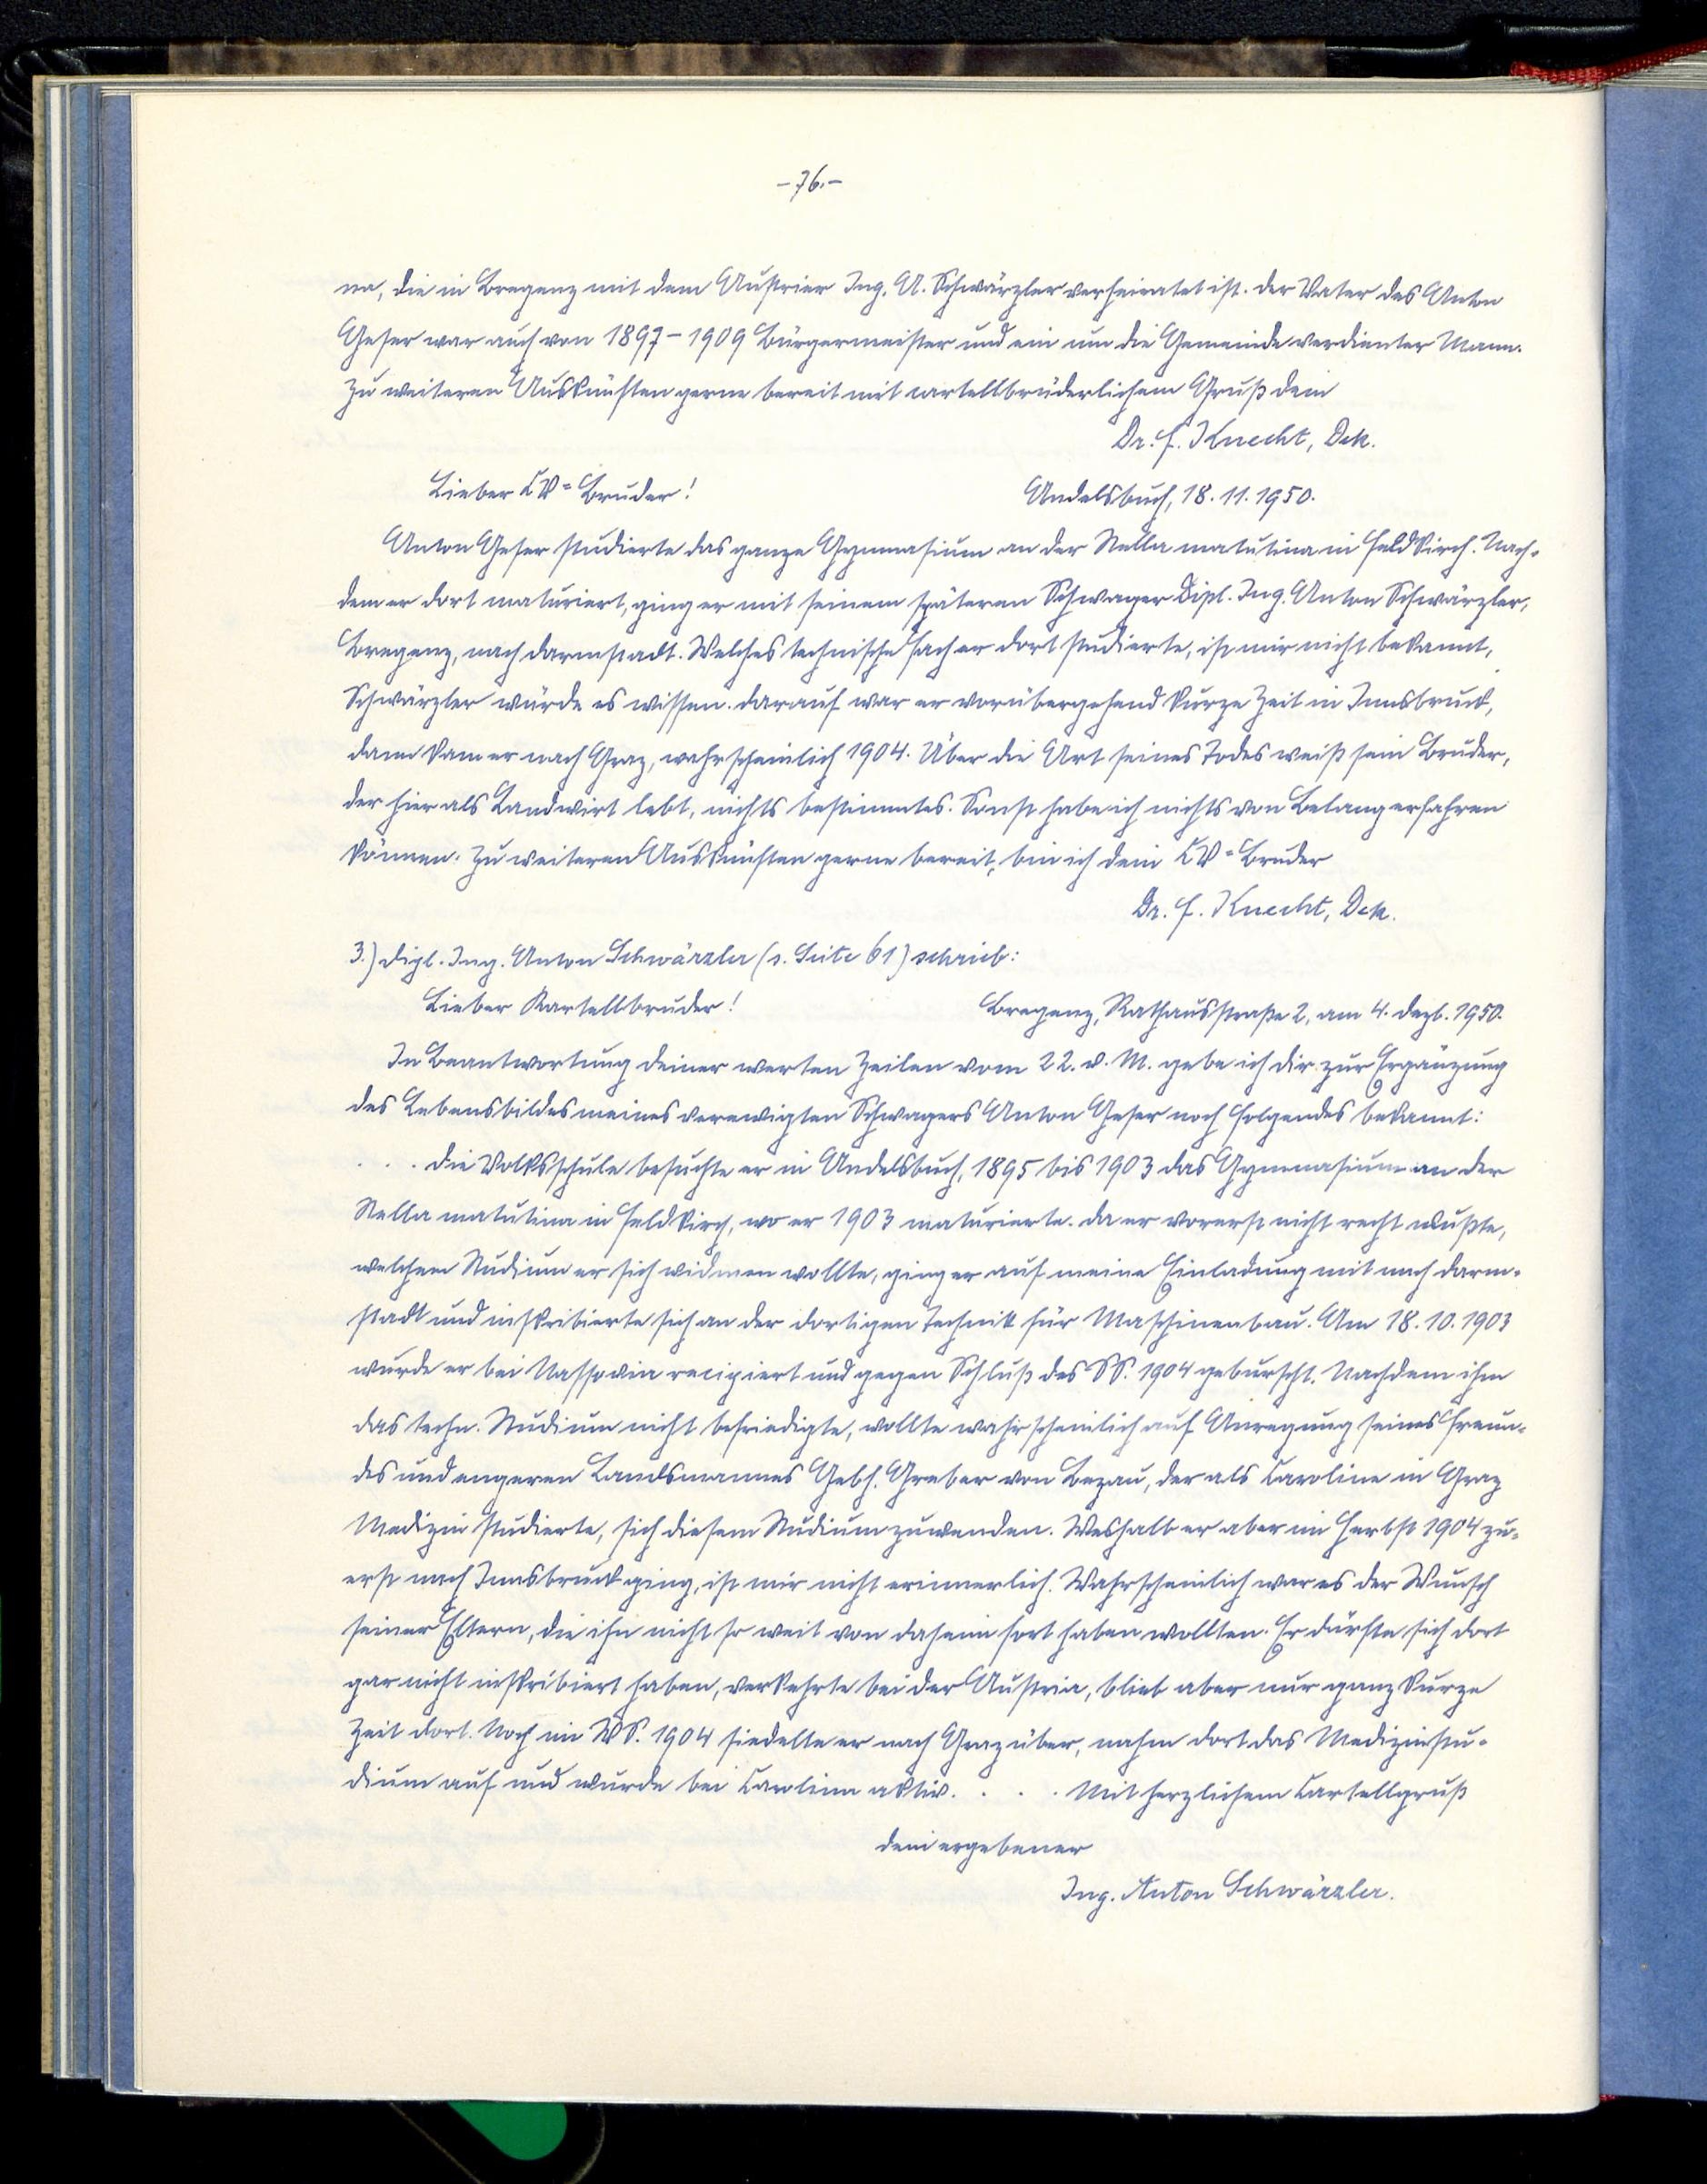76
die in Bregenz mit dem Austrier Ing. A Schwärzler verheiratet ist. Der Vater des Anton
Geser war auch von 1897-1909 Bürgermeister und ein um die Gemeinde verdienter Mann.
Zu weiteren Auskünften gerne bereit und mit cartellbrüderlichem Gruß dein
Dr. F. Knecht, Dekan
Lieber CV-Bruder!
Andelsbuch, 18.11.1950.
Anton Geser studierte das ganze Gymnasium an der Stella matutina in Feldkirch. Nach-
dem er dort maturiert, ging er mit seinem späteren Schwager Dipl. Ing. Anton Schwärzler,
Bregenz, nach Darmstadt. Welches technische Fach er dort studierte, ist mir nicht bekannt,
Schwärzler würde es wissen. Darauf war er vorübergehend kurze Zeit in Innsbruck,
dann kam er nach Graz, wahrscheinlich 1904. Über die Art seines Todes weiß sein Bruder,
der hier als Landwirt lebt, nichts bestimmtes. Sonst habe ich nichts von Belang erfahren
können. Zu weiteren Auskünften gerne bereit, bin ich dein CV-Bruder
Dr. F. Knecht, Dek.
3) Dipl. Ing. Anton Schwarzer (Seite 61) schrieb:
Lieber Kartell-Bruder!
Bregenz, Rathausstraße 2, am 4. Dezember 1950.
In Beantwortung deiner werten Zeilen vom 22. v. M. gebe ich dir zur Ergänzung
des Lebensbildes meines verewigten Schwagers Anton Glaeser noch folgendes bekannt:
… Die Volksschule besuchte er in Andelsbuch, 1895- bis 1903, das Gymnasium an der
Stella matutina in Feldkirch, wo er 1903 maturierte. Da er vorerst nicht recht wußte,
welchem Studium er sich widmen wollet, ging er auf meine Einladung mit nach Darm-
stadt und inskribierte sich an der dortigen Technik für Maschinenbau. Am 18.10.1903
wurde er bei Nassowia recipiert gegen Schluß des SS 1904 geburscht. Nachdem ihn
das technische Studium nicht befriedigte, wollte wahrscheinlich auf Anregung seines Freun-
des und engeren Landsmanns Gebh. Greber von Bezau, der als Caroline in Graz
Medizin studierte, sich diesen Studium zuwenden. Weshalb er aber im Herbst 1904 zu-
erst nach Innsbruck ging, ist mir nicht erinnerlich. Wahrscheinlich war es der Wunsch
seiner Eltern, die ihn nicht so weit von daheim fort haben wollen. Er dürfte sich dort
gar nicht inskribiert haben, verkehrte bei der Austria, blieb aber nur ganz kurze Zeit dort.
Noch im WS. 1904 siedelte er nach Graz über, nahm dort das Medizinstu-
dium auf und wurde bei Carolina aktiv… Mit herzlichem Cartellgruß
dein ergebener
Ing. Anton Schwärzler.